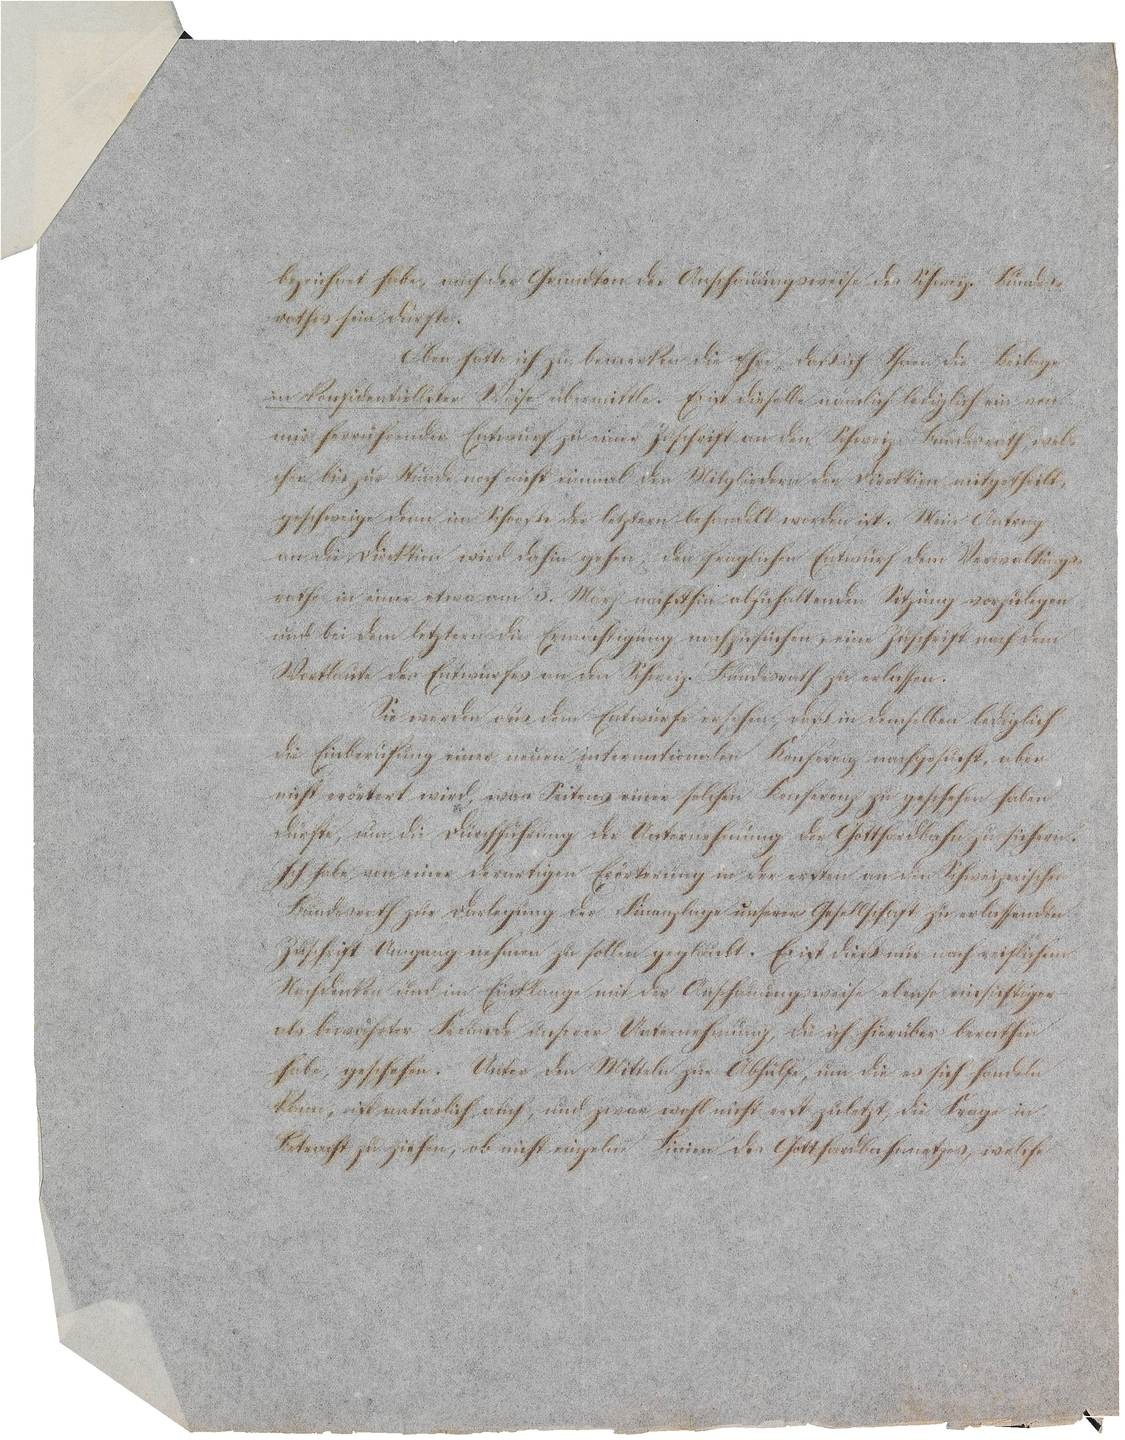bezeichnet habe, auch der Grundton der Anschauungsweise des Schweiz. Bundes-
rathes sein dürfte.
Oben hatte ich zu bemerken die Ehre, dass ich Ihnen die Beilage
in konfidentiellster Weise übermittle. Es ist dieselbe nämlich lediglich ein von
mir herrührender Entwurf zu einer Zuschrift an den Schweiz. Bundesrath, wel-
cher bis zur Stunde noch nicht einmal den Mitgliedern der Direktion mitgetheilt,
geschweige denn im Schooße der letztern behandelt worden ist. Mein Antrag
an die Direktion wird dahin gehen, den fraglichen Entwurf dem Verwaltungs-
rathe in einer etwa am 3. März nächsthin abzuhaltenden Sitzung vorzulegen
und bei dem letztern die Ermächtigung nachzusuchen, eine Zuschrift nach dem
Wortlaute des Entwurfs an den Schweiz. Bundesrath zu erlassen.
Sie werden aus dem Entwurfe ersehen, dass in demselben lediglich
die Einberufung einer neuen internationalen Konferenz nachgesucht, aber
nicht erörtert wird, was Seitens einer solchen Konferenz zu geschehen haben
dürfte, um die Durchführung der Unternehmung der Gotthardbahn zu sichern.
Ich habe von einer derartigen Erörterung in der ersten an den Schweizerischen
Bundesrath zur Darlegung der Finanzlage unserer Gesellschaft zu erlassenden
Zuschrift Umgang nehmen zu sollen geglaubt. Es ist dieß nur nach reiflichem
Nachdenken und im Einklange mit der Anschauungsweise ebenso einsichtiger
als bewährter Freunde unserer Unternehmung, die ich hierüber berathen
habe, geschehen. Unter den Mitteln zur Abhülfe, um die es sich handeln
kann, ist natürlich auch, und zwar wohl nicht erst zuletzt, die Frage in
Betracht zu ziehen, ob nicht einzelne Linien des Gotthardbahnnetzes, welche